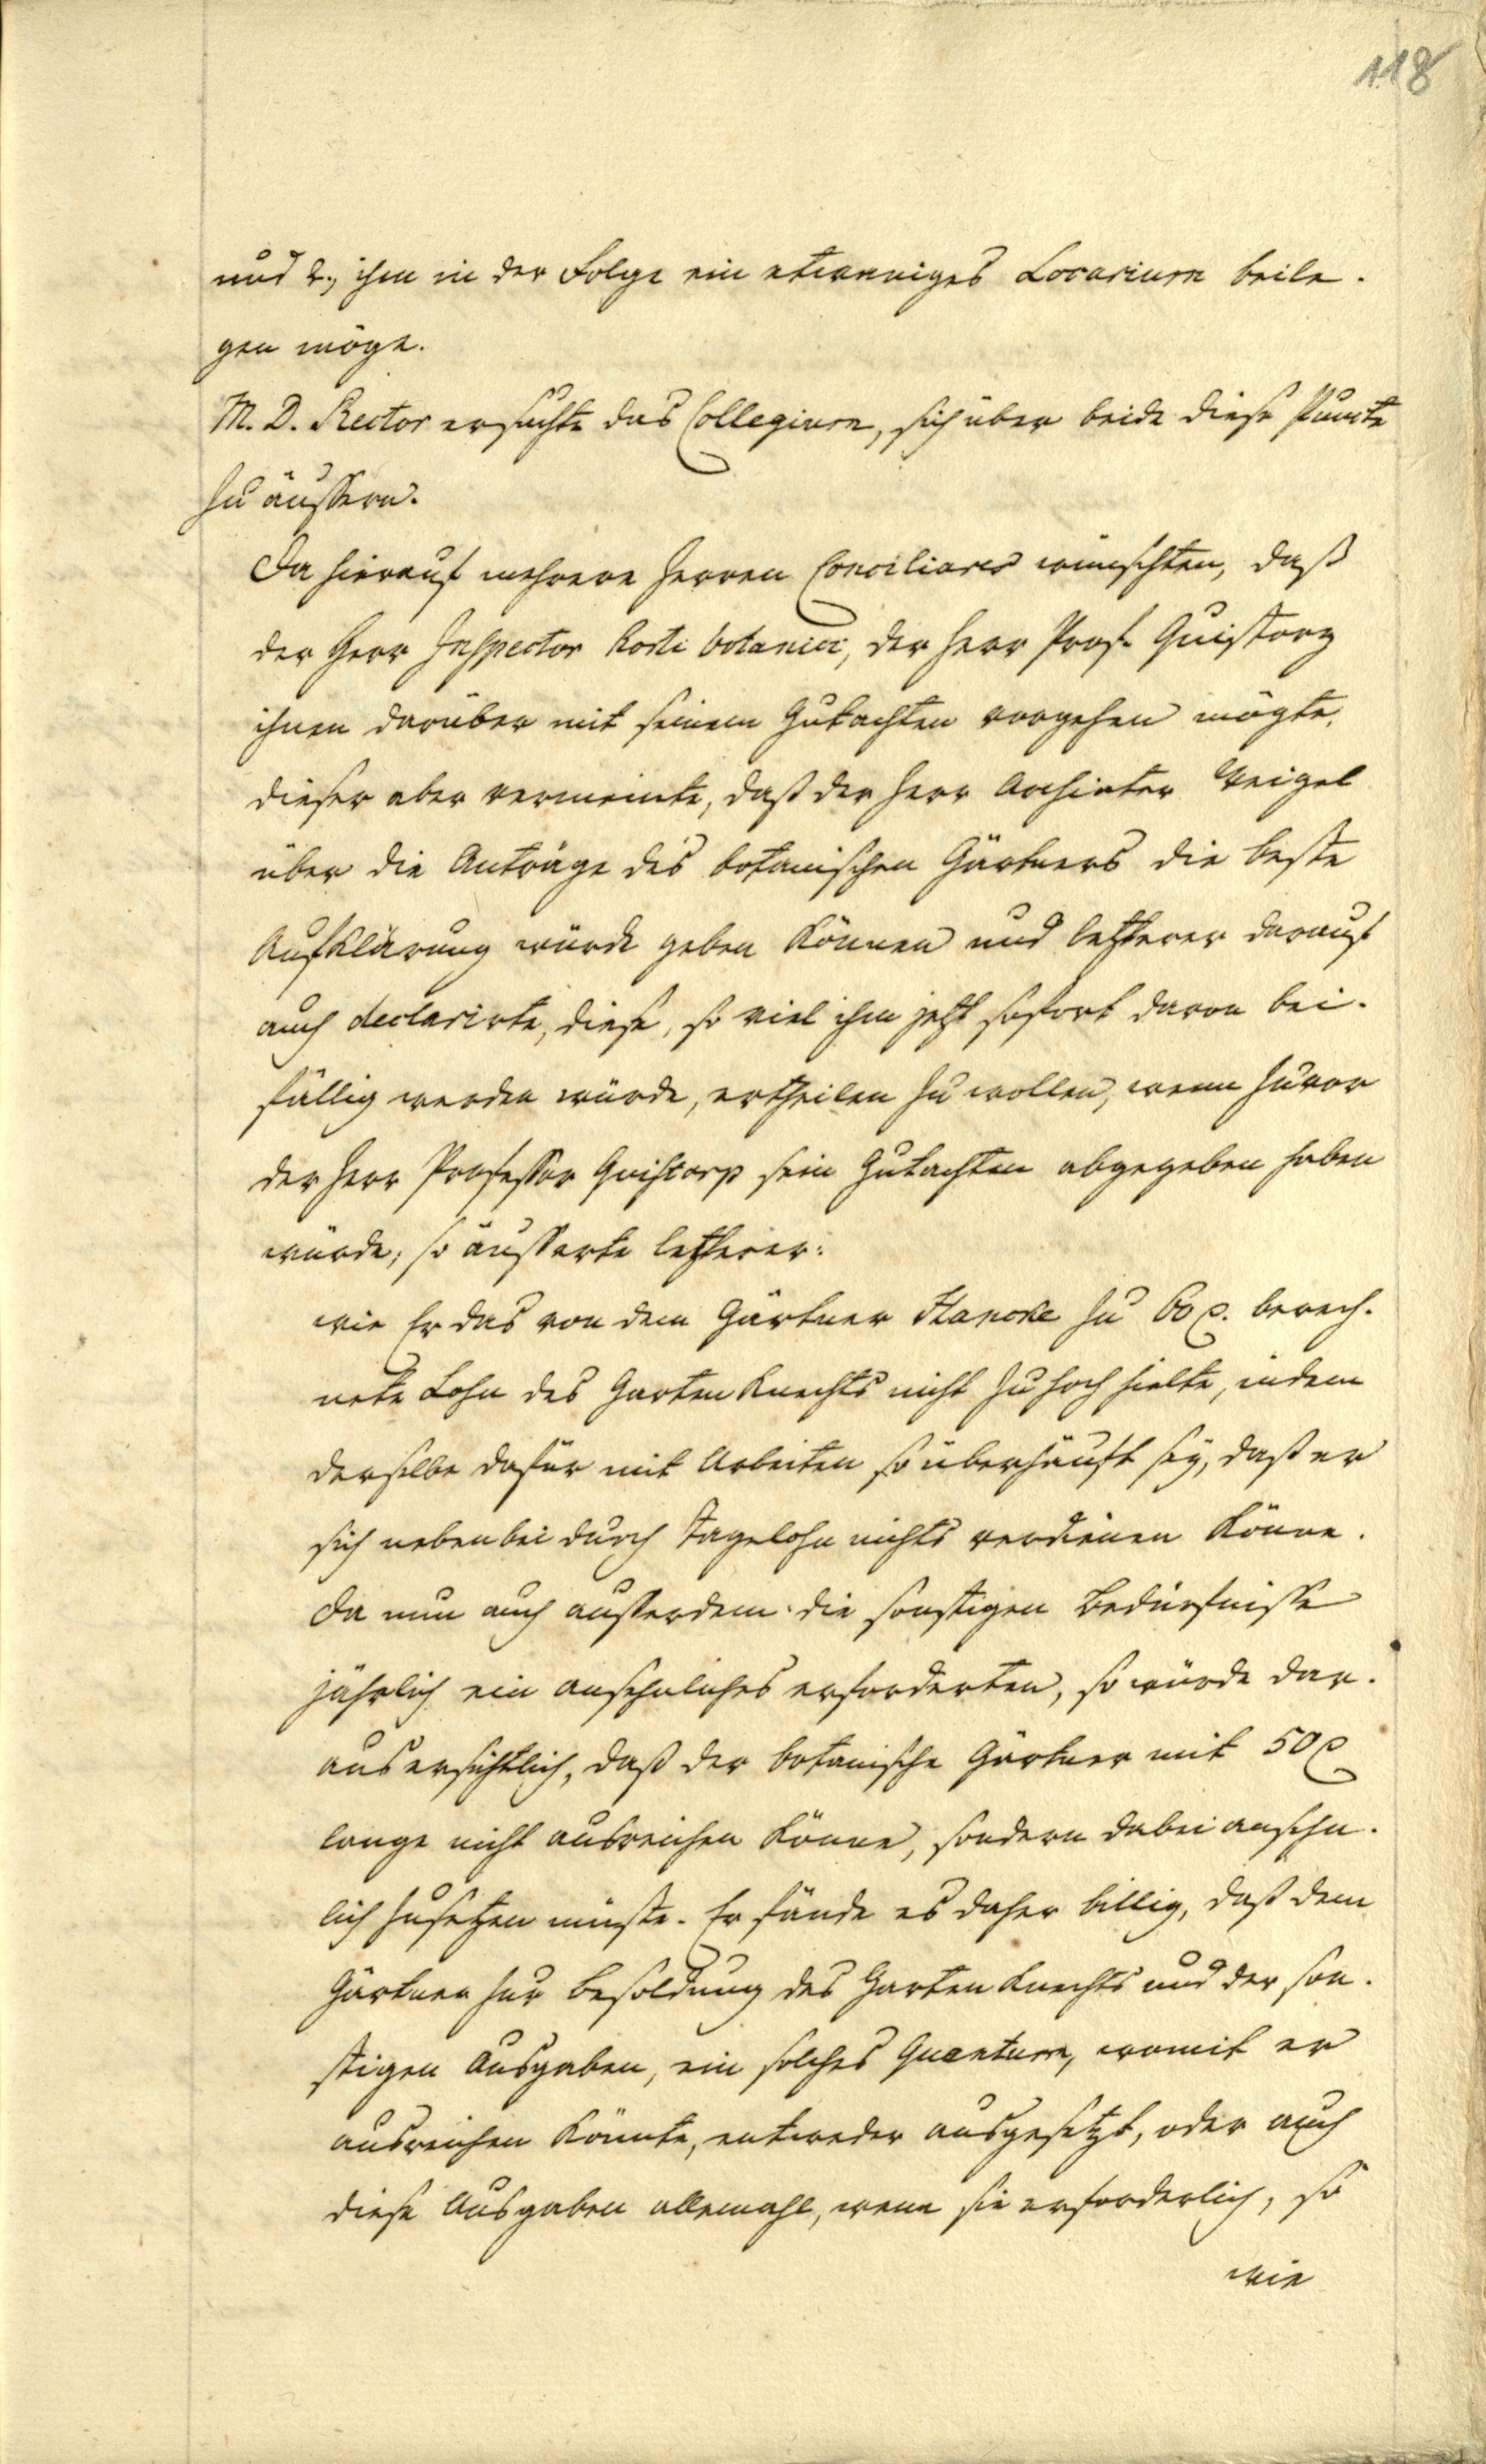und 2., ihm in der Folge ein etwaniges Locarium beile¬
gen möge.
M. D. Rector ersuchte das Collegium, sich über beide diese Puncte
zu äussern.
Da hierauf mehrere Herren Conciliares wünschten, daß
der Herr Inspector horti botanici, der Herr Prof. Quistorp
ihnen darüber mit seinem Gutachten vorgehen mögte,
dieser aber vermeinte, daß der Herr Archiater Weigel
über die Anträge des botanischen Gärtners die beste
Aufklärung würde geben können und letzterer darauf
auch declarirte, diese, so viel ihm jetzt sofort davon bei¬
fällig werden würde, ertheilen zu wollen, wenn zuvor
der Herr Professor Quistorp sein Gutachten abgegeben haben
würde, so äusserte letzterer:
wie Er das von dem Gärtner Hancke zu 60 l. berech¬
nete Lohn des Gartenknechts nicht zu hoch hielte, indem
derselbe dafür mit Arbeiten so überhäuft seÿ, daß er
sich nebenbei durch Tagelohn nichts verdienen könne.
Da nun auch ausserdem die sonstigen Bedürfnisse
jährlich ein ansehnliches erforderten, so würde dar¬
aus ersichtlich, daß der botanische Gärtner mit 50 l.
lange nicht ausreichen könne, sondern dabei ansehn¬
lich zusetzen müßte. Er fände es daher billig, daß dem
Gärtner zur Besoldung des Gartenknechts und der son¬
stigen Ausgaben, ein solches Quantum, womit er
ausreichen könnte, entweder ausgesetzt, oder auch
diese Ausgaben allemahl, wenn sie erforderlich, so
wie